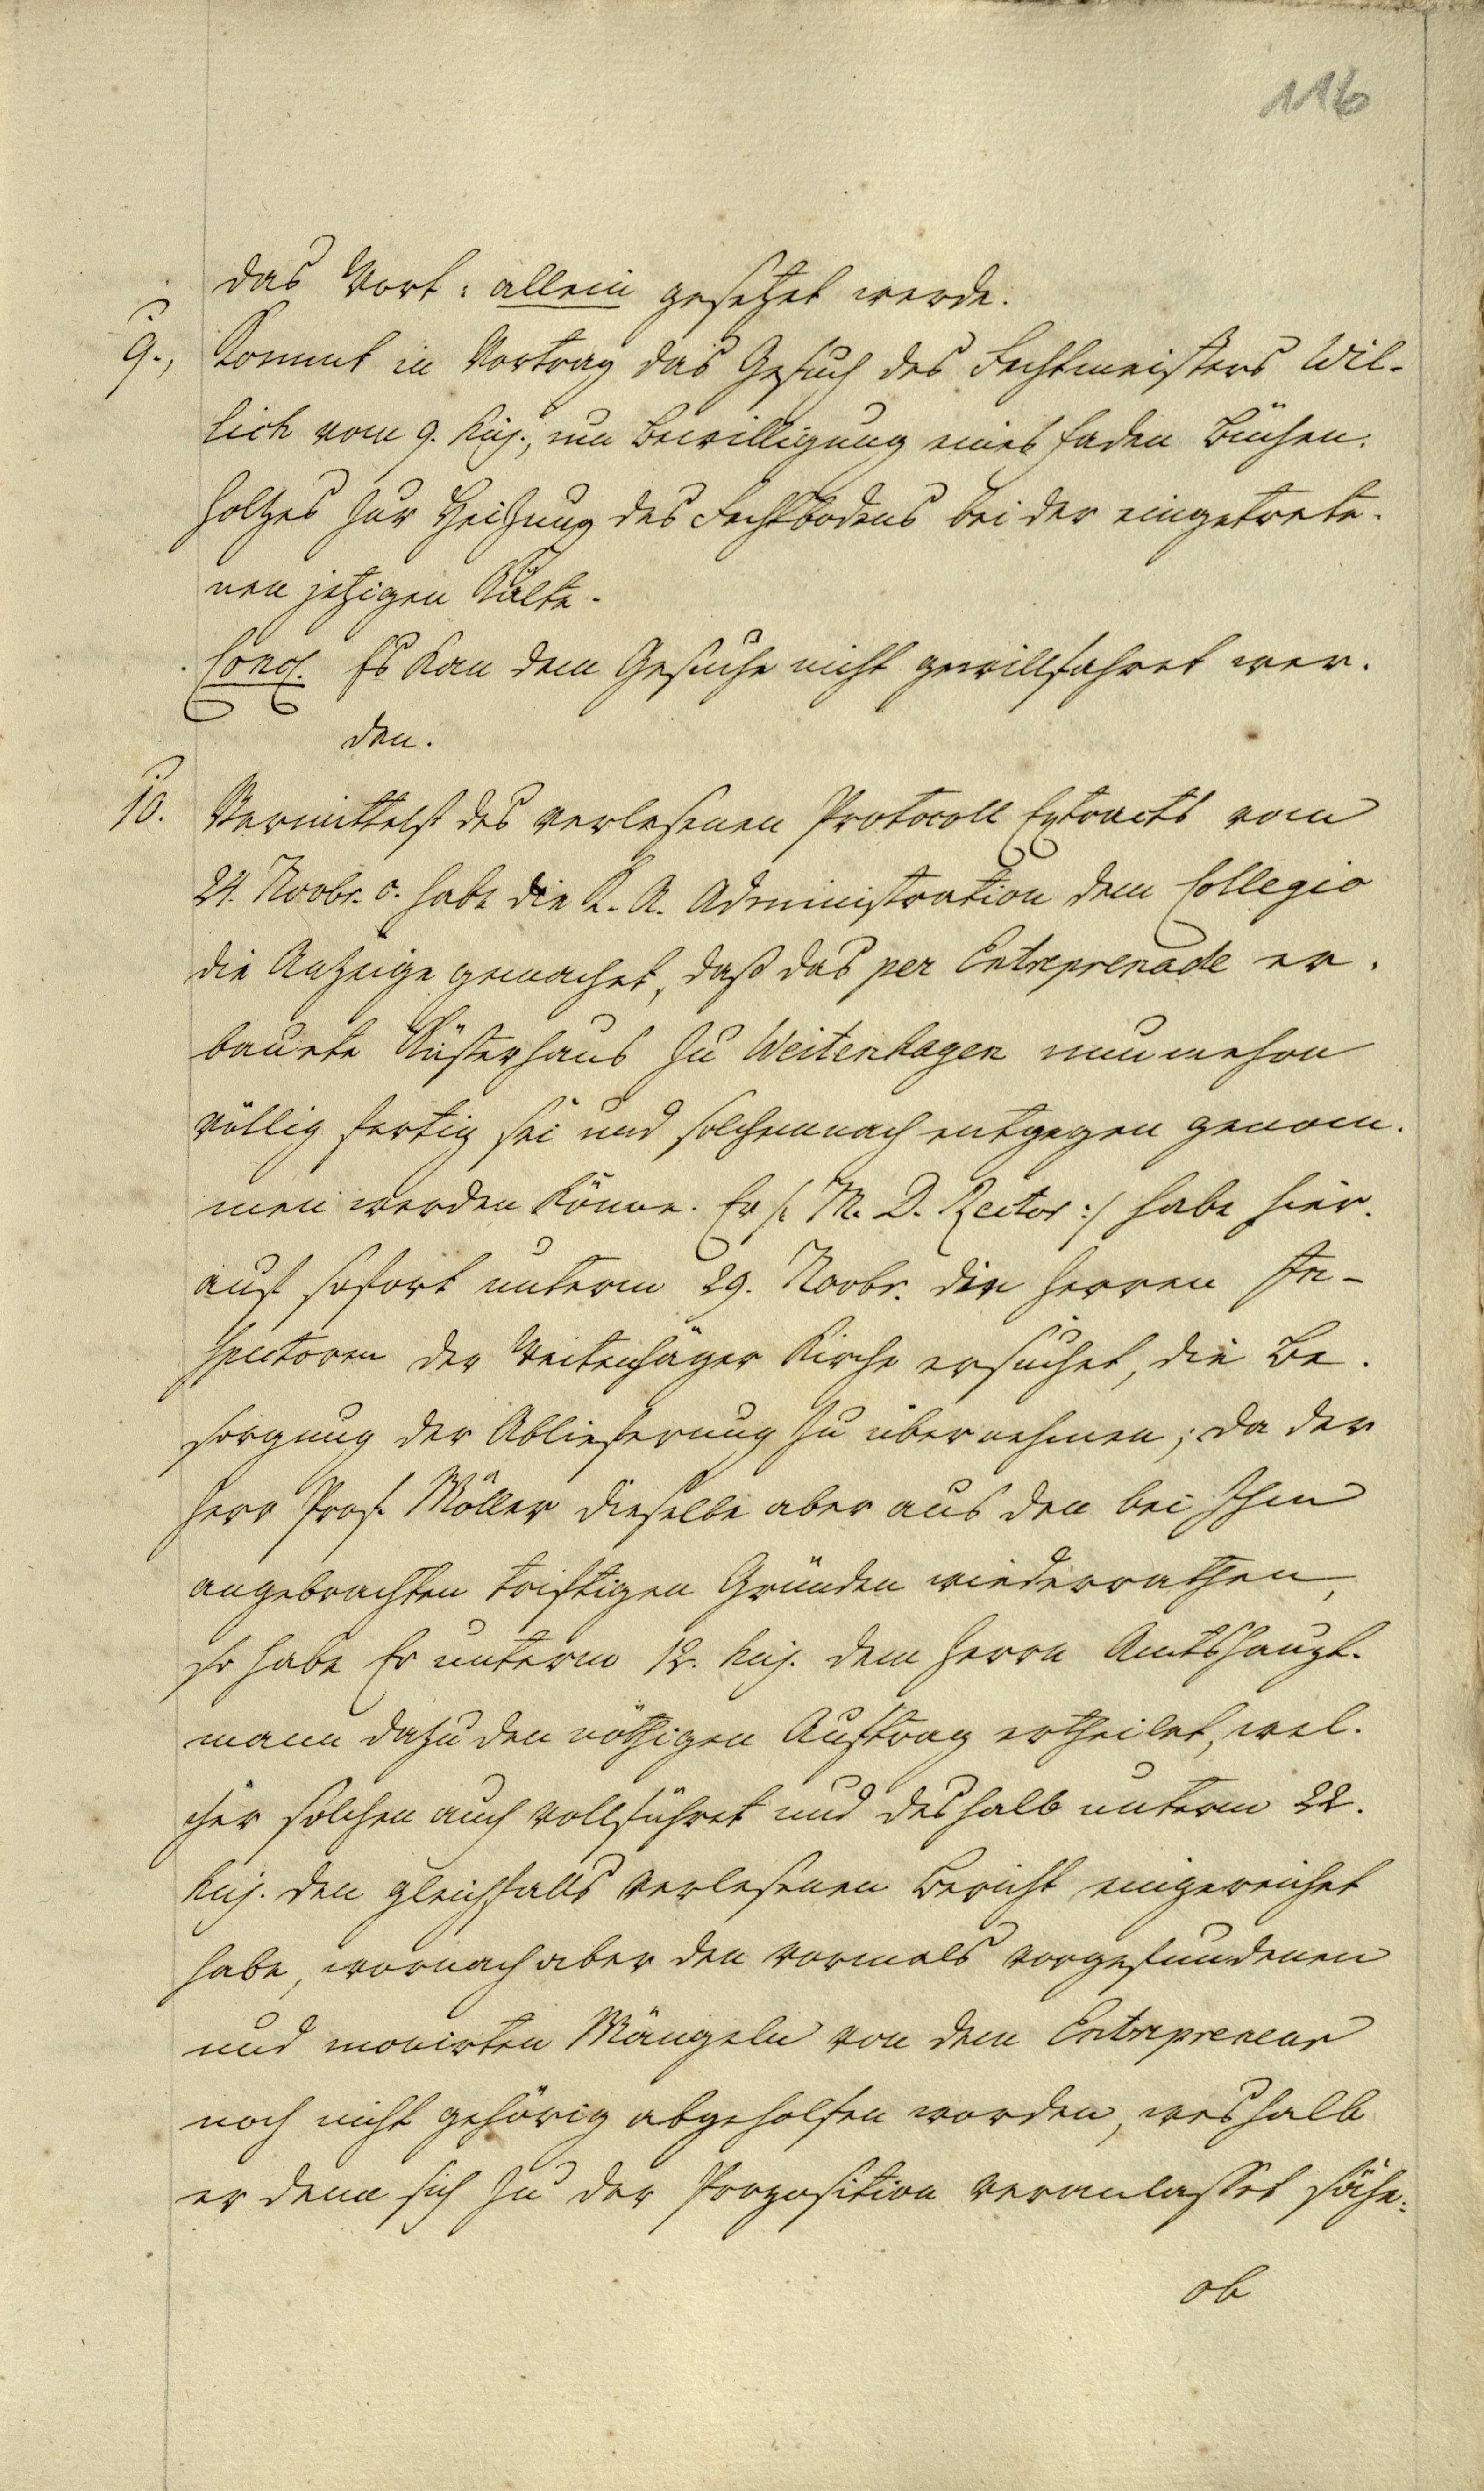das Wort: allein gesetzet werde.
9., Kommt in Vortrag das Gesuch des Fechtmeisters Wil¬
lich vom 9. huj., um Bewilligung eines Faden Büchen¬
holzes zur Heizung des Fechtbodens bei der eingetrete¬
nen jetzigen Kälte.
Concl. Es kan dem Gesuche nicht gewillfahret wer¬
den.
10. Vermittelst des verlesenen Protocoll Extracts vom
24. Novbr. c. habe die K. A. Administration dem Collegio
die Anzeige gemachet, daß das per Entreprenade er¬
bauete Küsterhaus zu Weitenhagen nunmehro
völlig fertig sei und solchemnach entgegen genom¬
men werden könne Er /. M. D. Rector :/ habe hier¬
auf sofort unterm 29. Novbr. der Herren In¬
spectorem der Weitenhäger Kirche ersuchet, die Be¬
sorgung der Ablieferung zu übernehmen, da der
Herr Prof. Möller dieselbe aber aus den bei Ihm
angebrachten triftigen Gründen wiederrathen,
so habe Er unterm 12. huj. dem Herrn Amtshaupt¬
mann dazu den nöthigen Auftrag ertheilet, wel¬
cher solchen auch vollführet und deshalb unterm 22.
huj. den gleichfalls verlesenen Bericht eingereichet
habe, wornach aber den vormals vorgefundenen
und monirten Mängeln von dem Entrepreneur
noch nicht gehörig abgeholfen worden, weshalb
er denn sich zu der Proposition veranlasset sähe:
ob